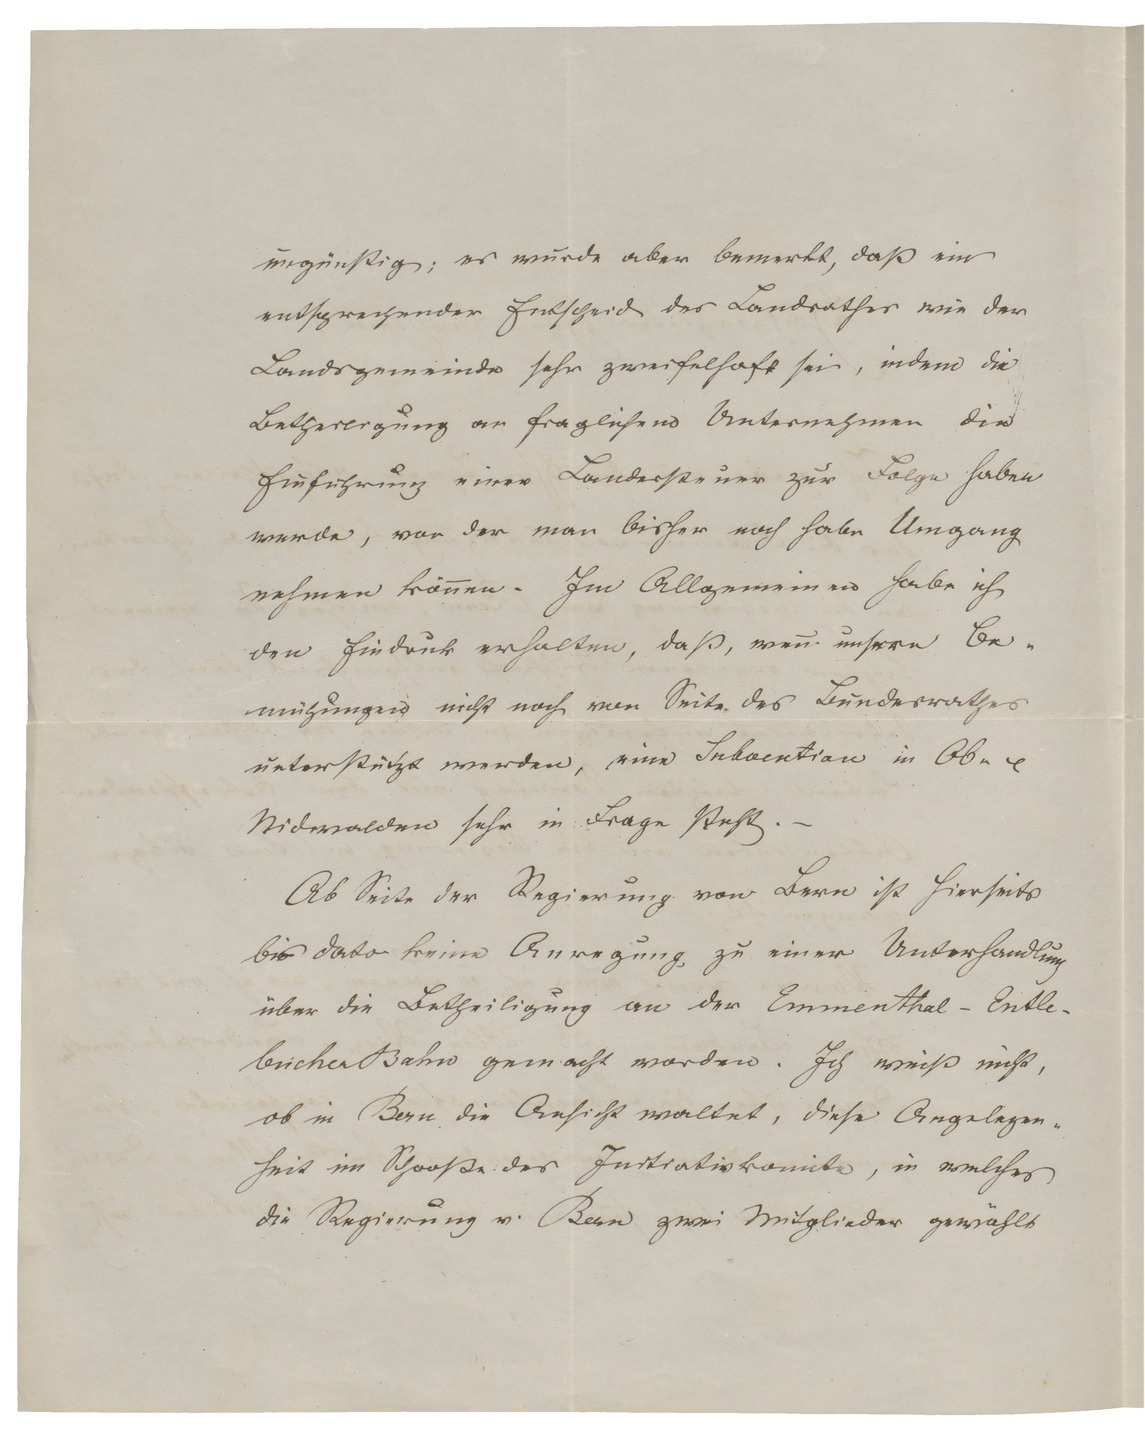ungünstig; es wurde aber bemerkt, daß ein
entsprechender Entscheid des Landrathes wie der
Landsgemeinde sehr zweifelhaft sei, indem die
Betheiligung an fraglichem Unternehmen die
Einführung einer Landessteuer zur Folge haben
werde, vor der man bisher noch habe Umgang
nehmen können. Im Allgemeinen habe ich
den Eindruk erhalten, daß, wenn unsere Be-
mühungen nicht noch von Seite des Bundesrathes
unterstützt werden, eine Subvention in Ob- &
Nidwalden sehr in Frage steht. –
Ab Seite der Regierung von Bern ist hierseits
bis dato keine Anregung zu einer Unterhandlung
über die Betheiligung an der Emmenthal–Entle-
bucher Bahn gemacht worden. Ich weiß nicht,
ob in Bern die Ansicht waltet, diese Angelegen-
heit im Schooße des Initiativkomite, in welches
die Regierung v. Bern zwei Mitglieder gewählt